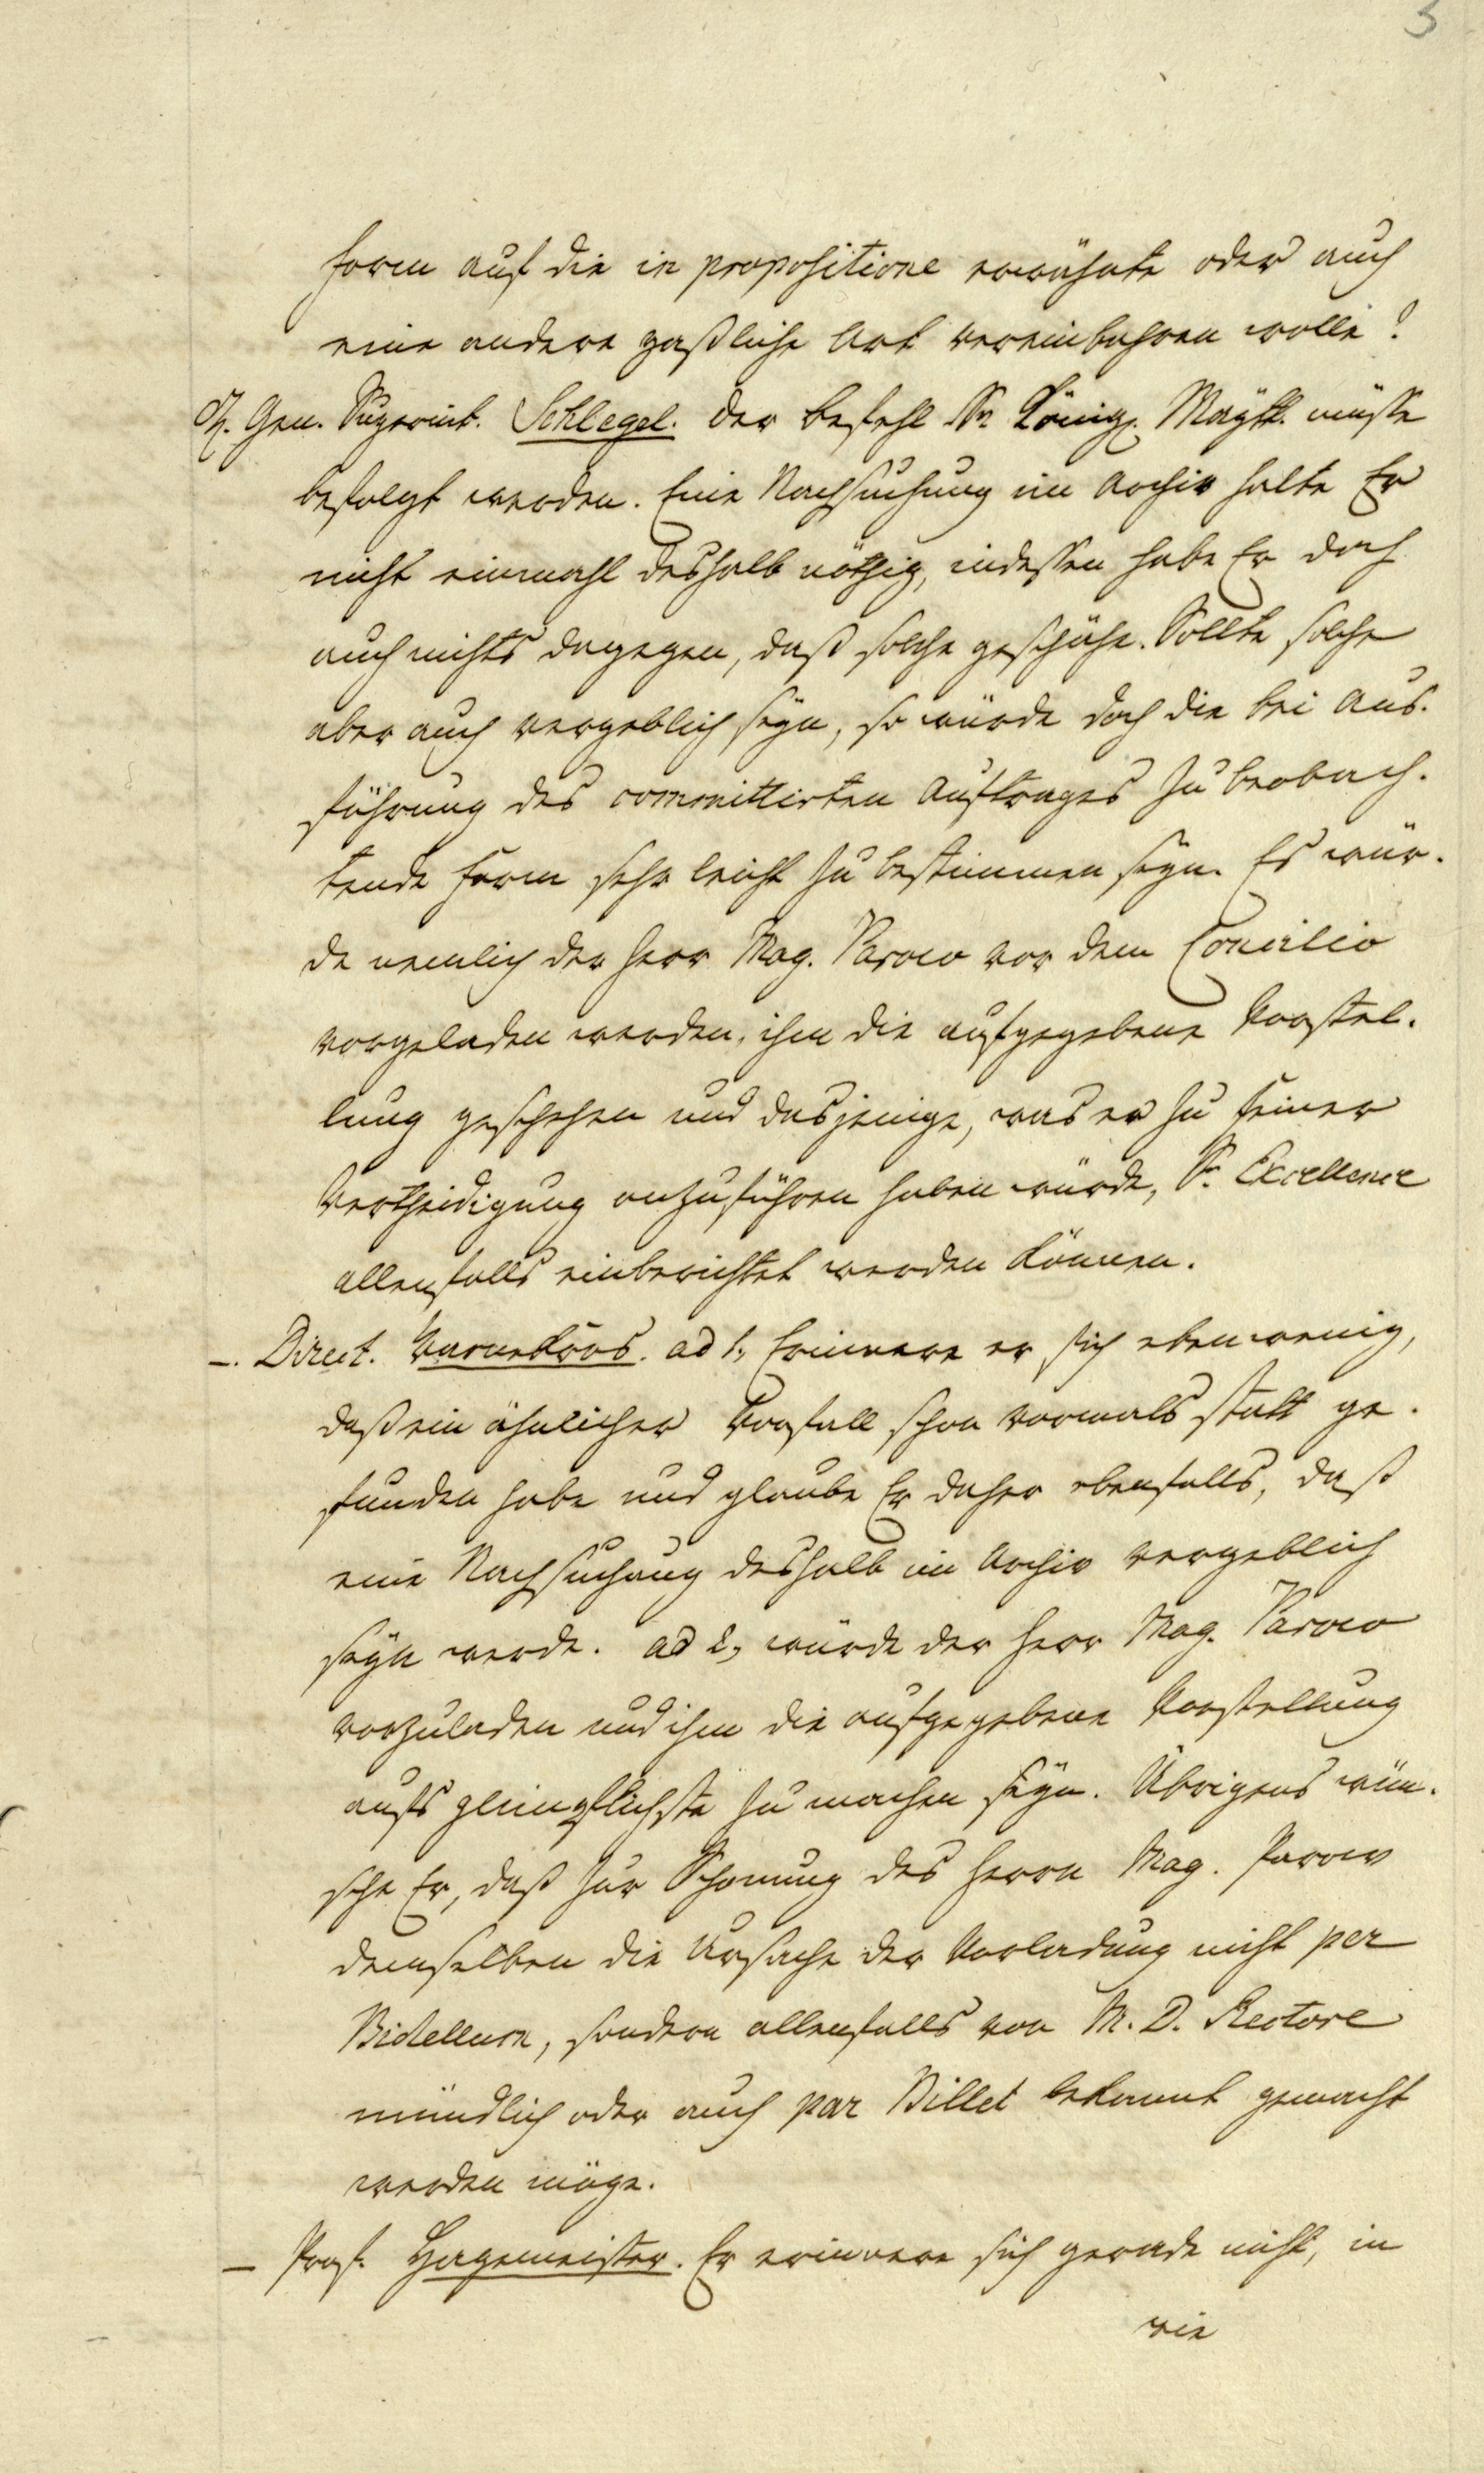Form auf die in propositione erwähnte oder auch
eine andere paßliche Art vereinbahren wolle!
dh. Gen. Superint. Schlegel. der Befehl Sr. Königl. Maÿtt. müsse
befolgt werden. Eine Nachsuchung im Archiv halte Er
nicht einmahl deshalb nöthig, indessen habe Er doch
auch nichts dagegen, daß solche geschähe. Sollte solche
aber auch vergeblich seÿn, so würde doch die bei Aus¬
führung des committirten Auftrages zu beobach¬
tende Form sehr leicht zu bestimmen seÿn. Es wür¬
de nemlich der herr Mag. Parow vor dem Concilio
vorgeladen werden, ihm die aufgegebene Vorstel¬
lung geschehen und dasjenige, was er zu seiner
Vertheidigung anzuführen haben würde, Sr. Excellence
allenfalls einberichtet werden können.
Direct. Warnekros. ad 1, Erinnere er sich eben wenig,
daß ein ähnlicher Vorfall schon vormals statt ge¬
funden habe und glaube Er daher ebenfalls, daß
eine Nachsuchung deshalb im Archiv vergeblich
seÿn werde. ad 2, würde der herr Mag. Parow
vorzuladen und ihm die aufgegebene Vorstellung
aufs glimpflichste zu machen seÿn. Überigens wün¬
sche Er, daß zur Schonung des herrn Mag. Parow
demselben die Ursache der Vorladung nicht per
Bidellum, sondern allenfalls von M. D. Rectore
mündlich oder auch par Billet bekannt gemacht
werden möge.
Prof. Hagemeister. Er erinnere sich gerade nicht, in
wie